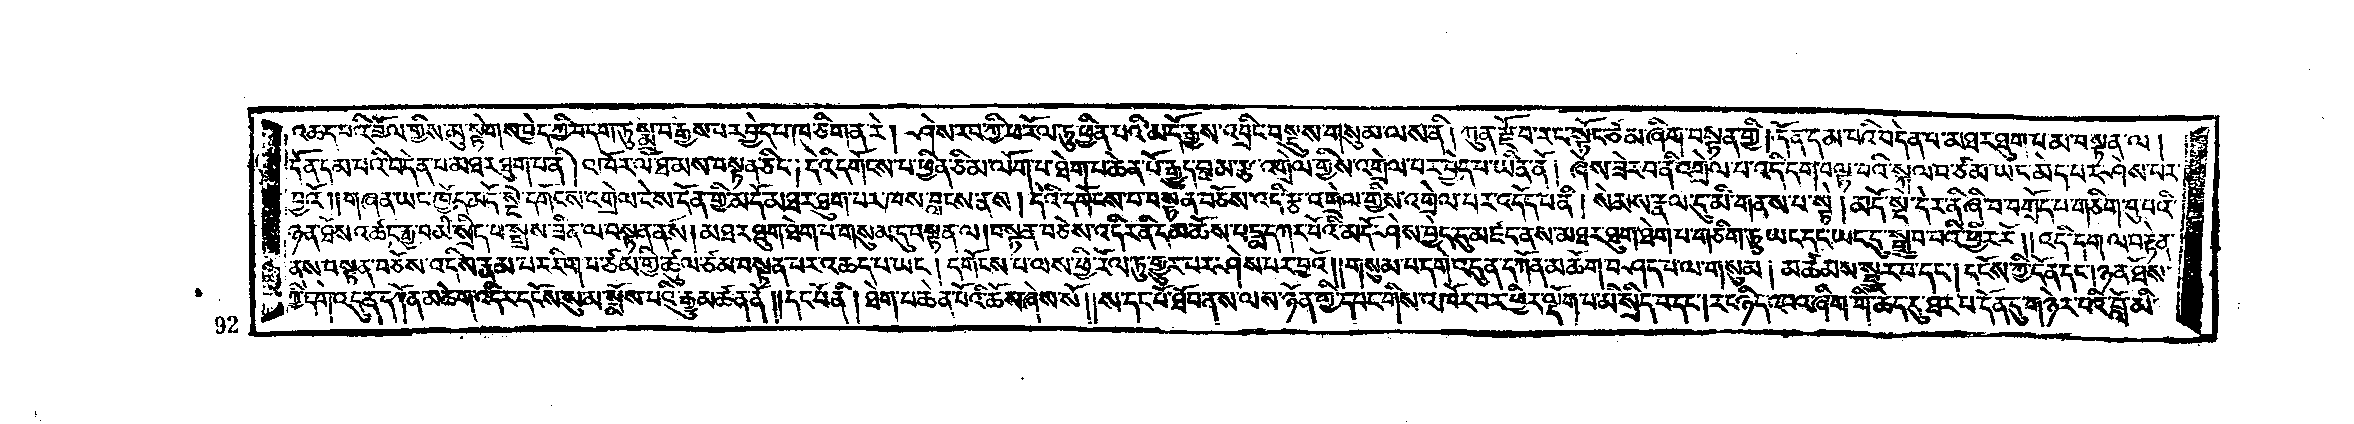འཆད་པའི་ཟོལ་གྱིས་མུ་སྟེགས་བྱེད་ཀྱི་བདག་ཏུ་སྨྲ་བ་རྒྱས་པར་བྱེད་པ་ཁ་ཅིག་ན་རེ། ཤེས་རབ་ཀྱི་ཕ་རོལ་ཏུ་ཕྱིན་པའི་མདོ་རྒྱས་འབྲིང་བསྡུས་གསུམ་ལས་ནི། ཀུན་རྫོབ་རང་སྟོང་ཙམ་ཞིག་བསྟན་གྱི་།དོན་དམ་པའི་བདེན་པ་མཐར་ཐུག་པ་མ་བསྟན་ལ།
དོན་དམ་པའི་བདེན་པ་མཐར་ཐུག་པ་ནི། འཁོར་ལོ་ཐ་མས་བསྟན་ཅིང་། དེའི་དགོངས་པ་ཕྱིན་ཅི་མ་ལོག་པ་ཐེག་པ་ཆེན་པོ་རྒྱུད་བླ་མ་རྩ་འགྲེལ་གྱིས་འགྲེལ་པར་བྱེད་པ་ཡིན་ནོ། ཞེས་ཟེར་བ་ནི་འགྲེལ་པ་འདི་དག་བལྟ་བའི་སྐལ་པ་ཙམ་ཡང་མེད་པར་ཤེས་པར་
བྱའོ། །གཞན་ཡང་ཁྱོད་མདོ་སྡེ་དགོངས་འགྲེལ་ངེས་དོན་གྱི་མདོ་མཐར་ཐུག་པར་ཁས་བླངས་ནས། དེའི་དགོངས་པ་བསྟན་བཅོས་འདི་རྩ་འགྲེལ་གྱིས་འགྲེལ་པར་འདོད་པ་ནི། སེམས་རྣལ་དུ་མི་གནས་པ་སྟེ། མདོ་སྡེ་དེར་ནི་ཞི་བ་བགྲོད་པ་གཅིག་བུ་བའི་
ཉན་ཐོས་འཚང་རྒྱ་བ་མི་སྲིད་པ་སྒྲས་ཟིན་ལ་བསྟན་ནས། མཐར་ཐུག་ཐེག་པ་གསུམ་དུ་བསྟན་ལ། བསྟན་བཅོས་འདིར་ནི་དམ་ཆོས་པདམ་དཀར་པོའི་མདོ་ཤེས་བྱེད་དུ་མཛད་ནས་མཐར་ཐུག་ཐེག་པ་གཅིག་ཏུ་ཡང་དང་ཡང་དུ་སྒྲུབ་པའི་ཕྱིར་རོ། །འདི་དག་ལ་བརྟེན་
ནས་བསྟན་བཅོས་འདིས་རྣམ་པར་རིག་པ་ཙམ་གྱི་ཚུལ་ཙམ་བསྟན་པར་འཆད་པ་ཡང་། དགོངས་པ་ལས་ཕྱི་རོལ་ཏུ་རྒྱུར་པར་ཤེས་པར་བྱའོ། །གསུམ་པ་དགེ་འདུན་དཀོན་མཆོག་བཤད་པ་ལ་གསུམ། མཚམས་སྦྱར་བ་དང་། དངོས་ཀྱི་དོན་དང་། ཉན་ཐོས་
ཀྱི་དགེ་འདུན་དཀོན་མཆོག་འདིར་དངོས་སུམ་སྨོས་པའི་རྒྱུ་མཚན་ནོ། །དང་པོ་ནི། ཐེག་པ་ཆེན་པོའི་ཆོས་ཞེས་སོ། །ས་དང་པོ་ཐོབ་ནས་ལས་ཉོན་གྱི་དབང་གིས་འཁོར་བར་ཕྱིར་ལྡོག་པ་མི་སྲིད་པ་དང་། རང་ཉིད་འབའ་ཞིག་གི་ཆེད་དུ་ཐར་པ་དོན་དུ་གཉེར་བའི་བློ་མི་